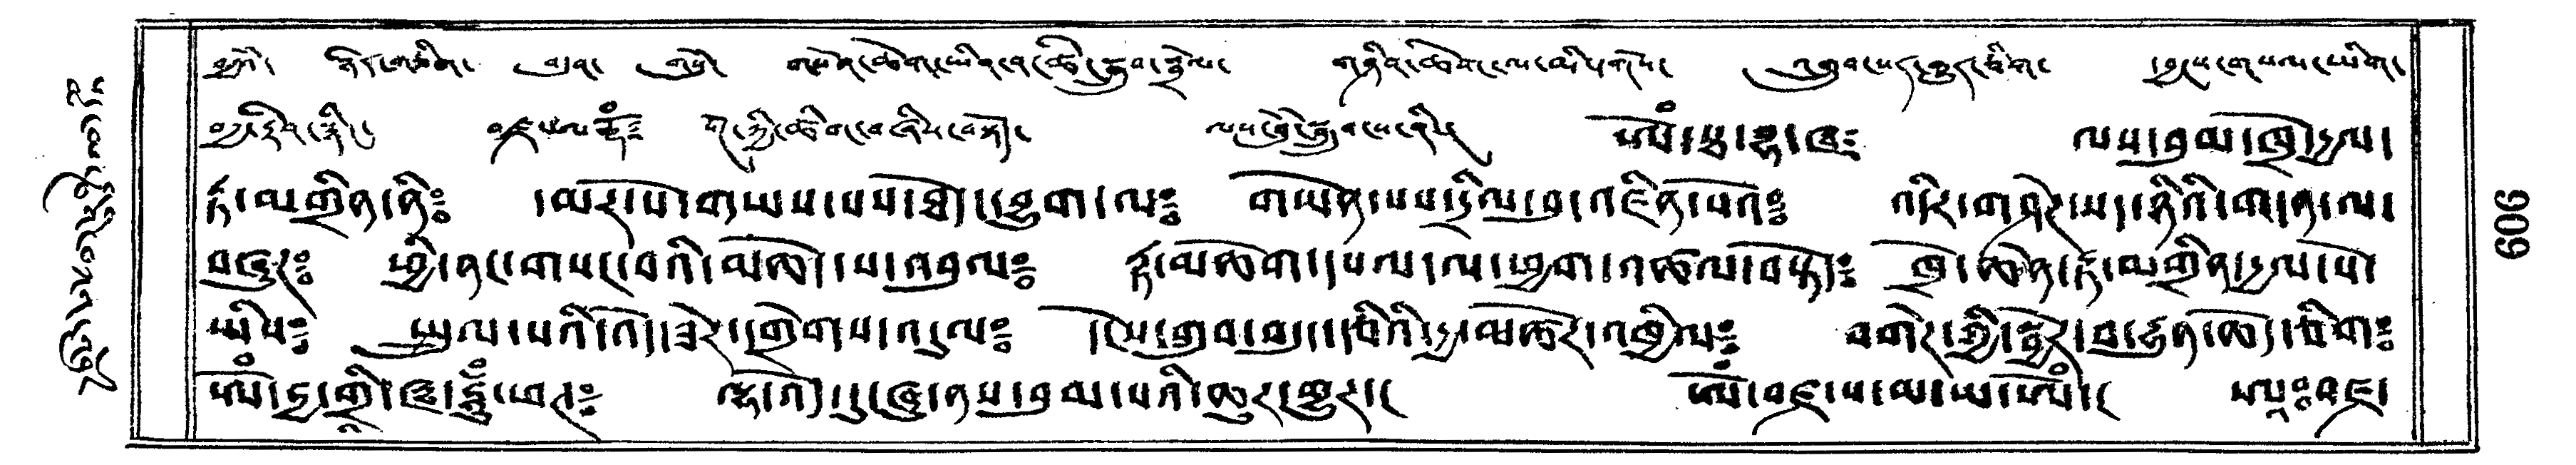རྒྱའམ། ཉེར་གཅིག བདུན། གསུམ། གསོན་ཆོག་ཡིན་ན་ཚེ་སྒྲུབ་སྦྲེལ། གཤིན་ཆོག་ལ་མི་དགོས། འགྲུབ་པར་གྱུར་ཅིག དབྱངས་གསལ་ཡིག་
བརྒྱ་རྟེན་སྙིང་། བཛྲ་ཨརྒྷཾ༴ སོགས་དང་ཚིག་བཞིས་བསྟོད། ལས་བུམ་སྒྲུབ་པ་ནི། ཨོཾ་སྭ་བྷ་ཝ༴ ལས་བུམ་ཁྲོ་རྒྱལ་
རྟ་མགྲིན་ནི༔ དམར་པོ་གཡས་པས་ཐོད་དབྱུག་ལ༔ གཡོན་པས་དྲིལ་བུ་འཛིན་པའོ༔ འདིར་གཤེགས་པད་ཉིའི་གདན་ལ་
བཞུགས༔ ཕྱི་ནང་གསང་བའི་མཆོད་པ་འབུལ༔ རྟ་མཆོག་དཔལ་ལ་ཕྱག་འཚལ་བསྟོད༔ ཁྲོ་ཆེན་རྟ་མགྲིན་རྒྱལ་པོ་
ཡིས༔ སྤྲུལ་པའི་འོད་ཟེར་དགྲ་བགེགས་འདུལ༔ དངོས་གྲུབ་བདུད་རྩིའི་རྒྱ་མཚོར་འཁྱིལ༔ བགེགས་ཀྱི་སྦྱོར་བ་རྒྱུན་ཆོད་ཅིག༔ 
ཨོཾ་ཧྱ་གྲཱི་ཝ་ཧཱུྃ་ཕཊ༔ ལྷ་འོད་དུ་ཞུ་ནས་བུམ་པའི་ཆུར་གྱུར། ཨོཾ་བཛྲ་ས་མ་ཡ་ཨོཾ། ཨཱཿབཛྲ་